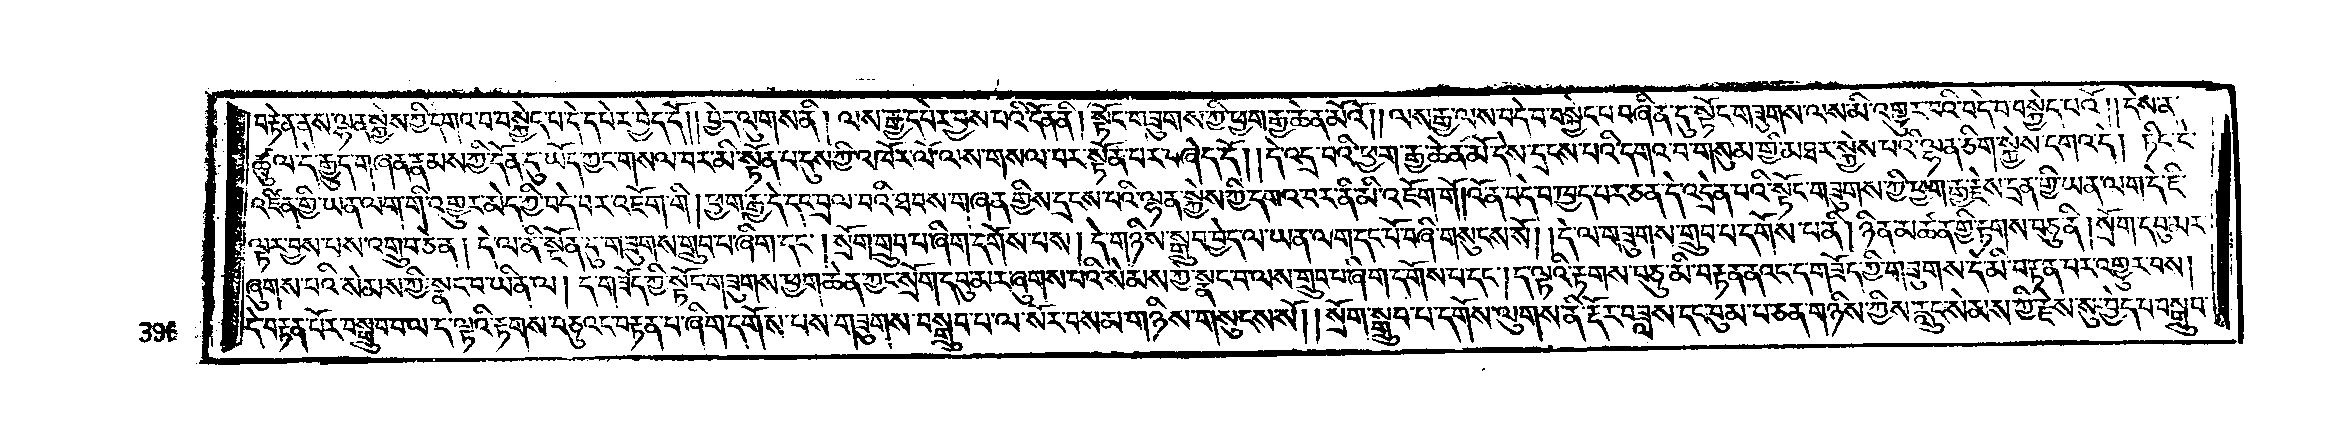བརྟེན་ནས་ལྷན་སྐྱེས་ཀྱི་དགའ་བ་བསྐྱེད་པ་དེ་དཔེར་བྱེད་དོ། །བྱེད་ལུགས་ནི། ལས་རྒྱ་དཔེར་བྱས་པའི་དོན་ནི། སྟོན་གཟུགས་ཀྱི་ཕྱག་རྒྱ་ཆེན་མོའོ། །ལས་རྒྱ་ལས་བདེ་བ་བསྐྱེད་པ་བཞིན་དུ་སྟོང་གཟུགས་ལས་མི་འགྱུར་བའི་བདེ་བ་བསྐྱེད་པའོ། །དེས་ན་
ཚུལ་དེ་རྒྱུད་གཞན་རྣམས་ཀྱི་དོན་དུ་ཡོད་ཀྱང་གསལ་བར་མི་སྟོན་པ་དུས་ཀྱི་འཁོར་ལོ་ལས་གསལ་བར་སྟོན་པར་བཞེད་དོ། །དེ་འདྲ་བའི་ཕྱག་རྒྱ་ཆེན་མོ་དེས་དྲངས་པའི་དགའ་བ་གསུམ་གྱི་མཐར་སྐྱེས་པའི་ལྷན་ཅིག་སྐྱེས་དགའ་དེ། ཏིང་ངེ་
འཛིན་གྱི་ཡན་ལག་གི་འགྱུར་མེད་ཀྱི་བདེ་བར་འཇོག་གི །ཕྱག་རྒྱ་དེ་དང་བྲལ་བའི་ཐབས་གཞན་གྱིས་དྲངས་པའི་ལྷན་སྐྱེས་ཀྱི་དགའ་བར་ནི་མི་འཇོག་གོ །འོ་ན་བདེ་བ་ཁྱད་པར་ཅན་དེ་འདྲེན་པའི་སྟོང་གཟུགས་ཀྱི་ཕྱག་རྒྱ་རྗེས་དྲན་གྱི་ཡན་ལག་དེ་ཇི་
ལྟར་བྱས་པས་འགྲུབ་ཅེ་ན། དེ་ལ་ནི་སྔོན་དུ་གཟུགས་གྲུབ་པ་ཞིག་དང་། སྲོག་གྲུབ་པ་ཞིག་དགོས་པས། དེ་གཉིས་སྒྲུབ་བྱེད་ལ་ཡན་ལག་དང་པོ་བཞི་གསུངས་སོ། །དེ་ལ་གཟུགས་གྲུབ་པ་དགོས་པ་ནི། ཉིན་མཚན་གྱི་རྟགས་བཅུ་ནི། སྲོག་དབུ་མར་
ཞུགས་པའི་སེམས་ཀྱི་སྣང་བ་ཡིན་ལ། ད་གཟོད་ཀྱི་སྟོང་གཟུགས་ཕྱག་ཆེན་ཀྱང་སྲོག་དབུ་མར་ཞུགས་པའི་སེམས་ཀྱི་སྣང་བ་ལས་གྲུབ་པ་ཞིག་དགོས་པ་དང་། ད་ལྟའི་རྟགས་བཅུ་མི་བརྟན་ནའང་ད་གཟོད་ཀྱི་གཟུགས་དེ་མི་བརྟན་པར་འགྱུར་བས།
དེ་བརྟན་པོར་བསྒྲུབ་པ་ལ་ད་ལྟའི་རྟགས་བཅུའང་བརྟེན་པ་ཞིག་དགོས་པས་གཟུགས་བསྒྲུབ་པ་ལ་སོར་བསམ་གཉིས་གསུངས་སོ། །སྲོག་སྒྲུབ་པ་དགོས་ལུགས་ནི་རྡོར་བཟླས་དང་བུམ་པ་ཅན་གཉིས་ཀྱིས་རླུང་སེམས་ཀྱི་རྗེས་སུ་བྱེད་པ་བསྒྲུབ་